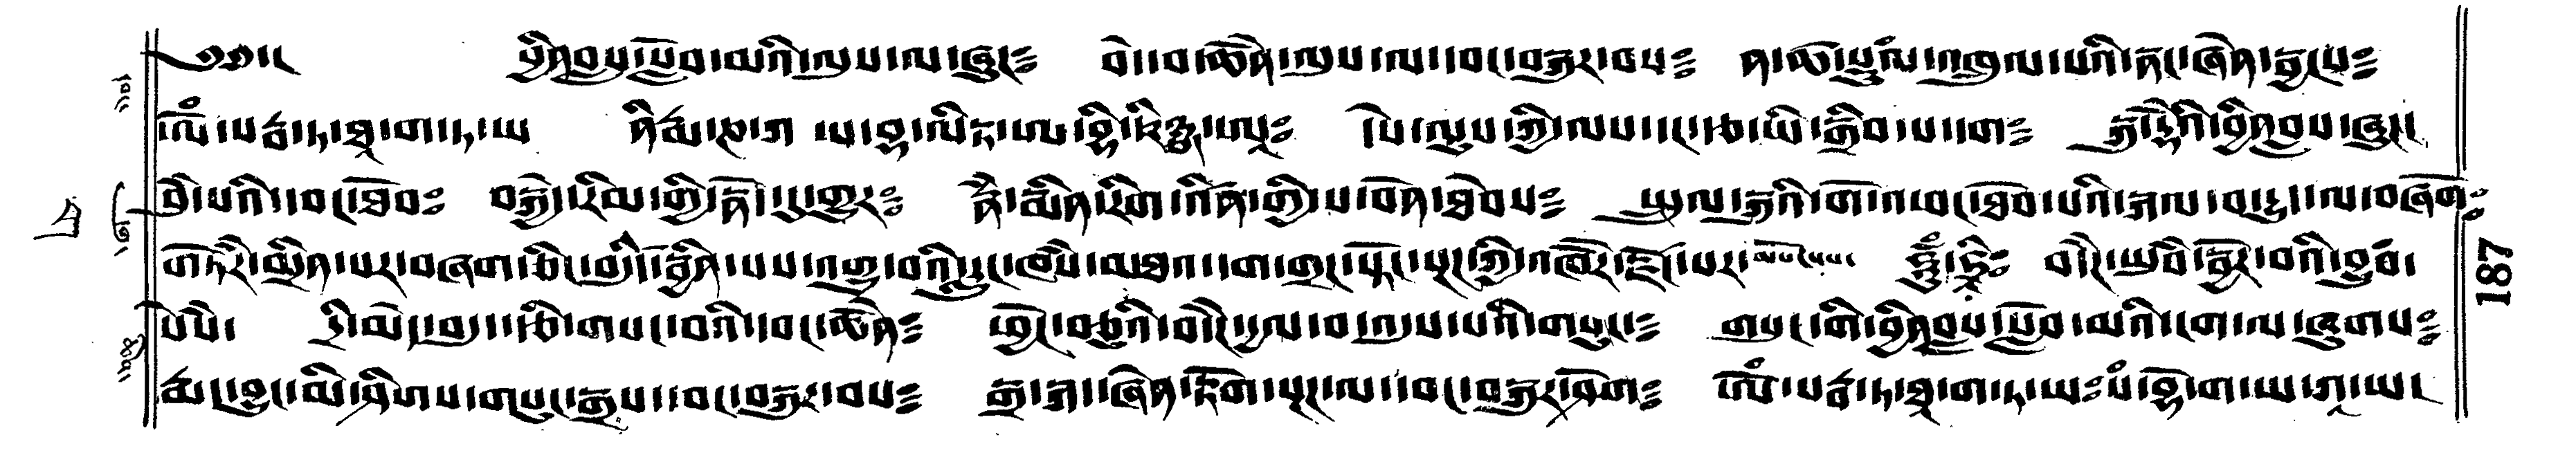བྱིན་རླབས་སློབ་མའི་ལུས་ལ་ཞུགས༔ བདེ་བ་ཆེན་པོས་ལུས་ལ་དབང་བསྐུར་བས༔ ན་ཚ་སྡུག་བསྔལ་འཁྲུལ་པའི་སྣང་ཞེན་སྦྱངས༔ 
ཨོཾ་སརྦ་ཏ་ཐཱ་ག་ཏ་ཡ་ནི་རྨ་ཎ་ཀ་ཡ་བྷ་ལིངྟ་ཨ་བྷི་རིཉྩ་ཨཱ༔ དེས་ལུས་ཀྱི་ལས་དང་རྩ་ཡི་སྒྲིབ་པ་དག༔ སྐུ་རྡོ་རྗེའི་བྱིན་རླབས་ཞུགས། 
བུམ་པའི་དབང་ཐོབ་ཿ བསྐྱེད་རིམ་གྱི་སྣོད་དུ་གྱུར༔ རྣམ་སྨིན་རིག་འཛིན་གྱི་ས་བོན་ཐེབས༔ སྤྲུལ་སྐུའི་གོ་འཕང་ཐོབ་པའི་སྐལ་བ་རྒྱུད་ལ་བཞག༔ 
གཏོར་མ་འགྲིན་པར་བཞག་ཅིང་བདུད་རྩི་བྱིན་པས་འགྱུ་བའི་རླུང་ཁམས་མཐའ་དག གྲགས་སྟོང་སྔགས་ཀྱི་འཁོར་ལོར་རྫོགས་པར་མོས་པས། ཧཱུྃ་ཧྲཱི༔ བདེ་གཤེགས་ཡབ་ཡུམ་སྦྱོར་བའི་བྱང་ཆུབ་
སེམས༔ དྲི་མེད་བདུད་རྩི་གསང་བའི་དབང་ཆེན་པོ༔ ཕྱོགས་བཅུའི་བདེ་གཤེགས་རྒྱལ་བ་འདུས་པའི་གསུང༔ གསུང་གི་བྱིན་རླབས་སློབ་མའི་ངག་ལ་ཞུགས༔
རྨད་བྱུང་མི་ཤིགས་གསུང་སྒྲས་དབང་བསྐུར་བས༔ སྒྲ་སྐད་ཞེན་རྟོག་སྔགས་ལ་དབང་བསྐུར་ཤོག༔ ཨོཾ་སརྦ་ཏ་ཐཱ་ག་ཏ་ཡ༔ སཾ་བྷོ་ག་ཡ་ཀཱ་ཡ་